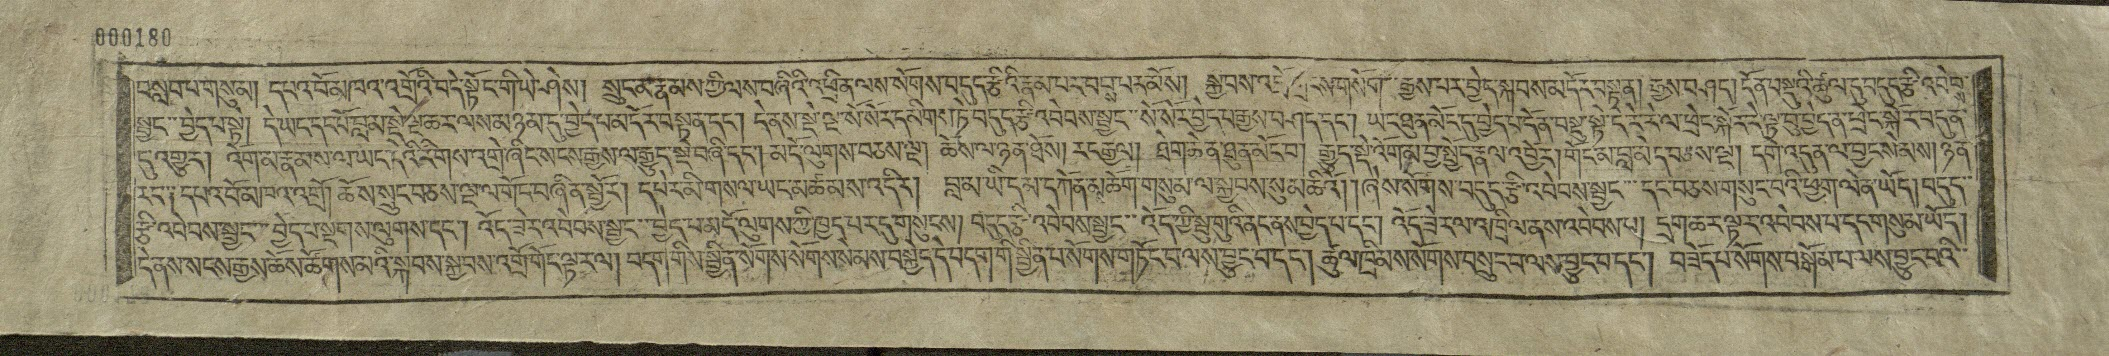བསླབ་པ་གསུམ། དཔའ་བོ་མཁའ་འགྲོའི་བདེ་སྟོང་གི་ཡེ་ཤེས། སྲུང་མ་རྣམས་ཀྱི་ལས་བཞིའི་འཕྲིན་ལས་སོགས་བདུད་རྩིའི་རྣམ་པར་བབས་པར་མོས། སྐྱབས་འགྲོ་གྲངས་གསོག་རྒྱས་པར་བྱེད་སྐབས་མདོར་བསྟན། རྒྱས་བཤད། དོན་བསྡུའི་ཚུལ་དུ་བདུད་རྩི་འབེབས་
སྦྱང་བྱེད་པ་སྟེ། དེ་ཡང་དང་པོ་བླ་མ་སྡེ་ལྔ་ཆར་ལས་མཉམ་དུ་བྱེད་པ་མདོར་བསྟན་དང་། དེ་ནས་སྡེ་ལྔ་སོ་སོར་དམིགས་ཏེ་བདུད་རྩི་འབེབས་སྦྱང་སོ་སོར་བྱེད་པ་རྒྱས་བཤད་དང་། ཡང་ཐུན་མོང་དུ་བྱེད་པ་དོན་བསྡུ་སྟེ་དེ་རེ་རེ་ལ་ཕྲེང་སྐོར་རེ་ལྟ་བུ་བྱེད་ན་ཕྲེང་སྐོར་བདུན་
དུ་འགྱུར། འོག་མ་རྣམས་ལ་ཡང་དེའི་རིགས་འགྲེ་ཞིང་སངས་རྒྱས་ལ་རྒྱུད་སྡེ་བཞི་དང་། མདོ་ལུགས་བཅས་ལྔ། ཆོས་ལ་ཉན་ཐོས། རང་རྒྱལ། ཐེག་ཆེན་ཐུན་མོང་བ། རྒྱུད་སྡེ་འོག་མ་བྱ་སྤྱོད་རྣལ་འབྱོར། གོང་མ་བླ་མེད་བཅས་ལྔ། དགེ་འདུན་ལ་བྱང་སེམས། ཉན་
རང༑ དཔའ་བོ་མཁའ་འགྲོ། ཆོས་སྲུང་བཅས་ལྔ་ལ་གོང་བཞིན་སྦྱོར། དཔེར་མི་གསལ་ཡང་མཚམས་འདིར། བླ་མ་ཡི་དམ་དཀོན་མཆོག་གསུམ་ལ་སྐྱབས་སུ་མཆིའོ། །ཞེས་སོགས་བདུད་རྩི་འབེབས་སྦྱང་དང་བཅས་གསུང་བའི་ཕྱག་ལེན་ཡོད། བདུད་
རྩི་འབེབས་སྦྱང་བྱེད་པ་སྔགས་ལུགས་དང་། འོད་ཟེར་འབེབས་སྦྱང་བྱེད་པ་མདོ་ལུགས་ཀྱི་ཁྱད་པར་དུ་གསུངས། བདུད་རྩི་འབེབས་སྦྱང་འོད་ཀྱི་སྦུ་གུའི་ནང་ནས་བྱེད་པ་དང་། འོད་ཟེར་ལ་འཁྲིལ་ནས་འབེབས་པ། དྲག་ཆར་ལྟར་འབེབས་པ་དང་གསུམ་ཡོད།
དེ་ནས་སངས་རྒྱས་ཆོས་ཚོགས་མའི་སྐབས་སྐྱབས་འགྲོ་གོང་ལྟར་ལ། བདག་གིས་སྦྱིན་སོགས་སེམས་བསྐྱེད་དེ་བདག་གི་སྦྱིན་པ་སོགས་གཏོང་བ་ལས་བྱུང་བ་དང་། ཚུལ་ཁྲིམས་སོགས་བསྲུང་བ་ལས་བྱུང་བ་དང་། བཟོད་པ་སོགས་བསྒོམ་པ་ལས་བྱུང་བའི་